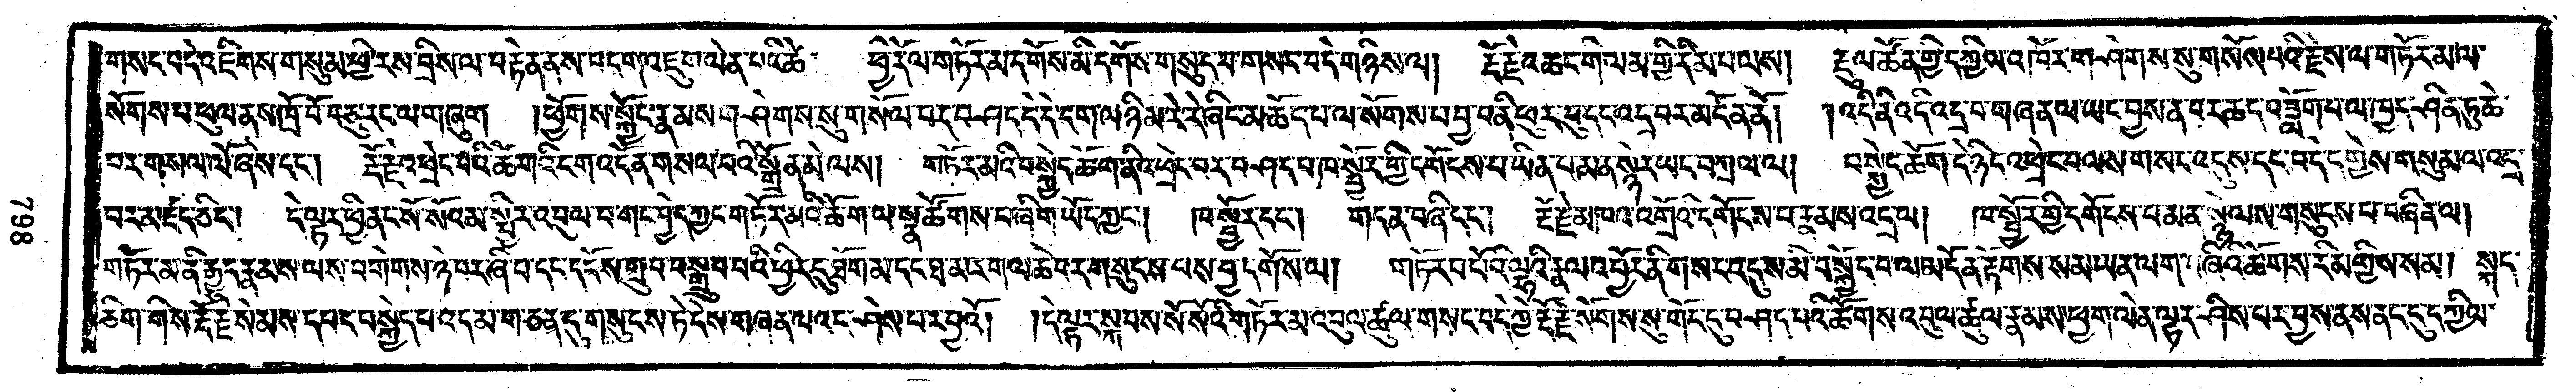གསང་བདེ་འཇིགས་གསུམ་ཕྱི་རས་བྲིས་ལ་བརྟེན་ནས་བདག་འཇུག་ལེན་པའི་ཚེ་ཕྱི་རོལ་གཏོར་མ་དགོས་མི་དགོས་གསུང་པ་གསང་བ་དེ་གཉིས་ལ། རྡོ་རྗེ་འཆང་གི་ལམ་གྱི་རིམ་པ་ལས། རྡུལ་ཚོན་གྱི་དཀྱིལ་འཁོར་གཤེགས་སུ་གསོས་པའི་རྗེས་ལ་གཏོར་མ་ལ་
སོགས་པ་ཕུལ་ནས་ཁྲོ་བོ་བཅུ་རང་ལ་གཞུག །ཕྱོགས་སྐྱོང་རྣམས་གཤེགས་སུ་གསོལ་བར་བཤད་དེ་དེ་དག་ལ་ཉི་མ་རེ་རེ་ཞིང་མཆོད་པ་ལ་སོགས་པ་བྱ་བ་ནི་ཕུར་བུ་དང་འདྲ་བར་མངོན་ནོ། །འདི་ནི་འདི་འདྲ་བ་གཞན་ལ་ཡང་བྱས་ན་བར་ཆད་བཟློག་པ་ལ་ཁྱད་ཤིན་ཏུ་ཆེ་
བར་གསལ་ལོ་ཞེས་དང་། རྡོ་རྗེ་འཕྲེང་བའི་ཆོ་གའི་ངག་འདོན་གསལ་བའི་སྒྲོན་མེ་ལས། གཏོར་མའི་བསྐྱེད་ཆོག་ནི་འཕྲེང་བར་བཤད་པ་ཁ་སྦྱོར་གྱི་དགོངས་པ་ཡིན་པ་མན་སྙེར་ཡང་བཀྲལ་ལ། བསྐྱེད་ཆོག་དེ་ཉིད་འཕྲེང་བ་ལས་གསང་འདུས་དང་བདེ་དགྱེས་གསུམ་ལ་འདྲ་
བར་མཛད་ཅིང་། དེ་ལྟར་ཕྱི་ནང་སོ་སོའམ་སྤྱིར་འབུལ་བ་གང་བྱེད་ཀྱང་གཏོར་མའི་ཆོ་ག་ལ་སྣ་ཚོགས་བཞིག་ཡོད་ཀྱང་། ཁ་སྦྱོར་དང་། གདན་བཞི་དང་། རྡོ་རྗེ་མཁའ་འགྲོའི་དགོངས་པ་རྣམས་འདྲ་ལ། ཁ་སྦྱོར་གྱི་དགོངས་པ་མན་སྙེ་ལས་གསུངས་པ་བཞིན་ལ།
གཏོར་མ་ནི་རྒྱུད་རྣམས་ལས་བགེགས་ཉེ་བར་ཞི་བ་དང་དངོས་གྲུབ་བསྒྲུབ་པའི་ཕྱིར་དུ་ཐོག་མ་དང་ཐ་མར་གལ་ཆེ་བར་གསུངས་པས་བྱ་དགོས་ལ། གཏོར་བ་པོའི་ལྷའི་རྣལ་འབྱོར་ནི་གསང་འདུས་མི་བསྐྱོད་པ་ལ་མདོན་རྟོགས་སམ་ཡན་ལག་བཞིའི་ཚོགས་རིམ་གྱིས་སམ། སྐད་
ཅིག་གིས་རྡོ་རྗེ་སེམས་དབང་བསྐྱེད་པ་འདམ་ག་ཅན་དུ་གསུངས་ཏེ་དེས་གཞན་ལའང་ཤེས་པར་བྱའོ། །དེ་ལྟར་སྐབས་སོ་སོའི་གཏོར་མ་འབུལ་ཚུལ་གསང་བདེ་ཀྱི་རྡོ་རྗེ་སོགས་སུ་གོང་དུ་བཤད་པའི་ཚོགས་འབུལ་ཚུལ་རྣམས་ཕྱག་ལེན་ལྟར་ཤིས་པར་བྱས་ནས་ནང་དུ་དཀྱིལ་